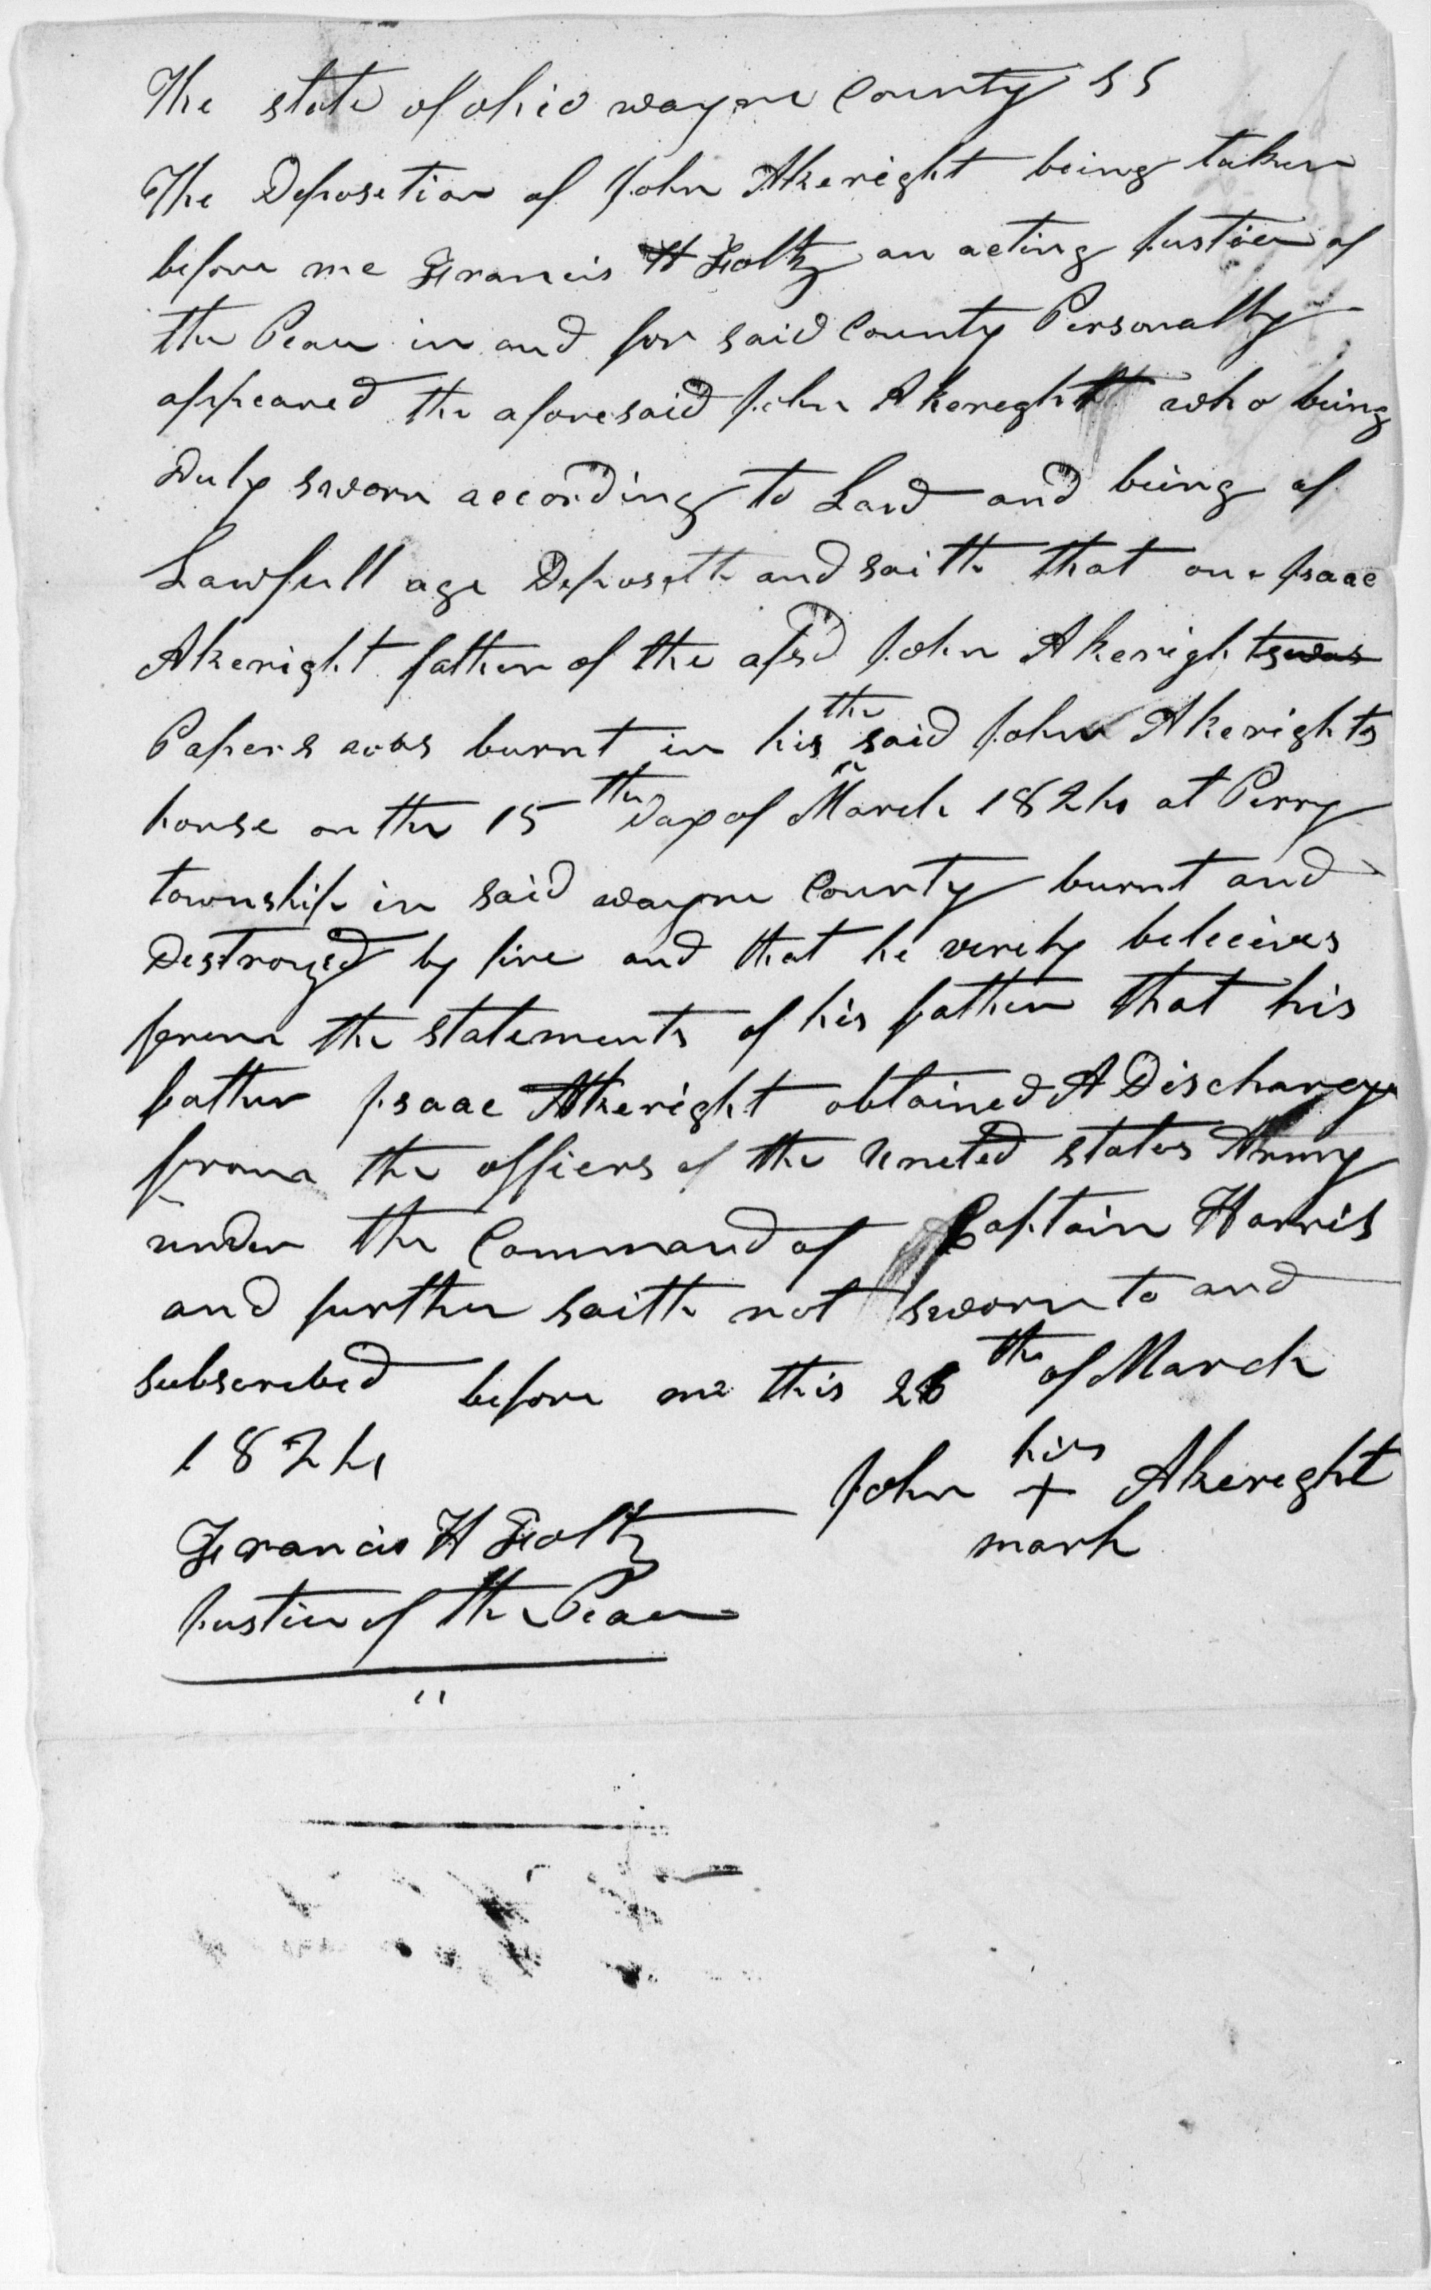The state of Ohio Wayne County SS
The Deposition of John Akeright being taken before me Francis H Foltz an acting Justice of the Peace in and for said County Personally appeared the aforesaid John Akeright who being Duly sworn according to Land and being of Lawful age Deposeth and saith that one Isaac Akeright father of the afsd John Akeright states papers was burnt in his the said John Akeright's house on the 15th Day of March 1824 at Perry township in said Wayne County burnt and Destroyed by fire and that he verily believes from the statements of his father that his father Isaac Akeright obtained A Discharge from the officers of the United States Army under the Command of Captain Harris and further saith not sworn to and subscribed before on this 26th of March 1824
Francis H Foltz
Justice of the Peace
John [INTELLIGIBLE] Akeright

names: Isaac Akeright, Francis H Foltz, John Akeright, Isaac Akeright, Harris, John Akeright, John Akeright, Francis H Foltz, John Akeright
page: 4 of 15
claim: rejected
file: R. 22, Isaac Ackright, Md.